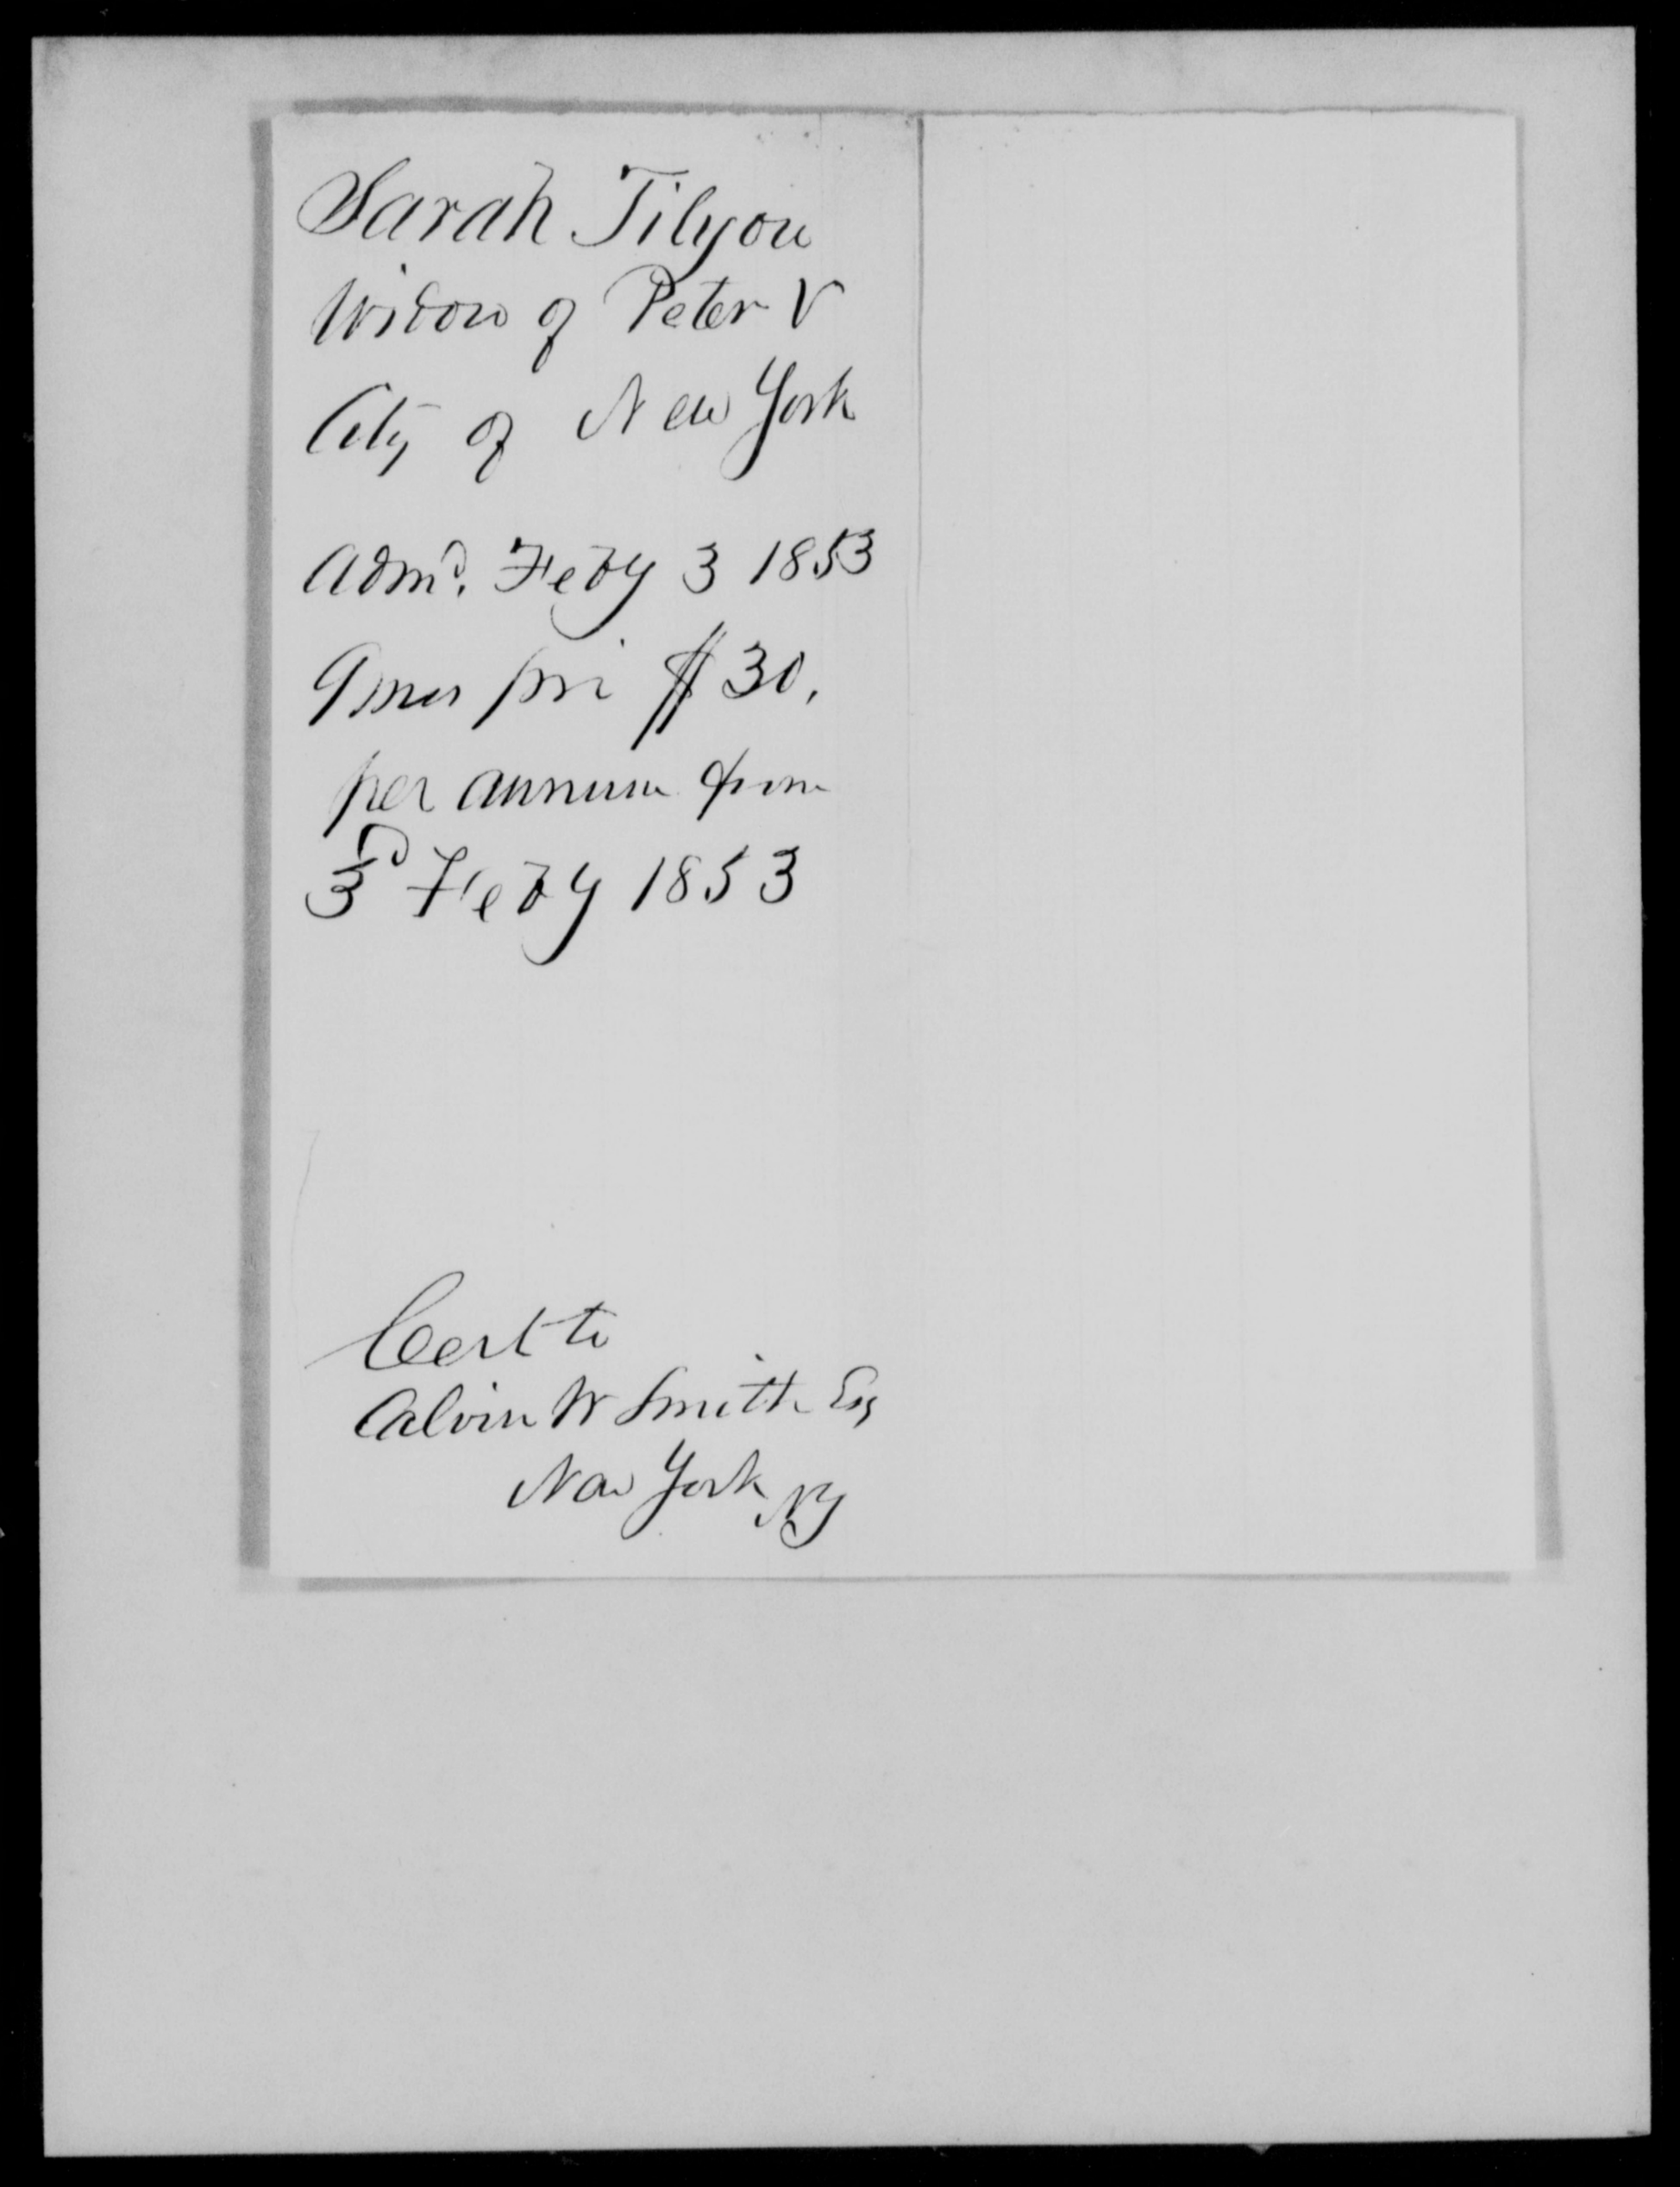Sarah Tilyou
widow of Peter V
City of New York
Admd Feby 3 1853
9 mos pri $30 per annum from 3d Feby 1853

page: 84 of 101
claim: widow's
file: W. 25481, for Peter V Tilyou, New Jersey